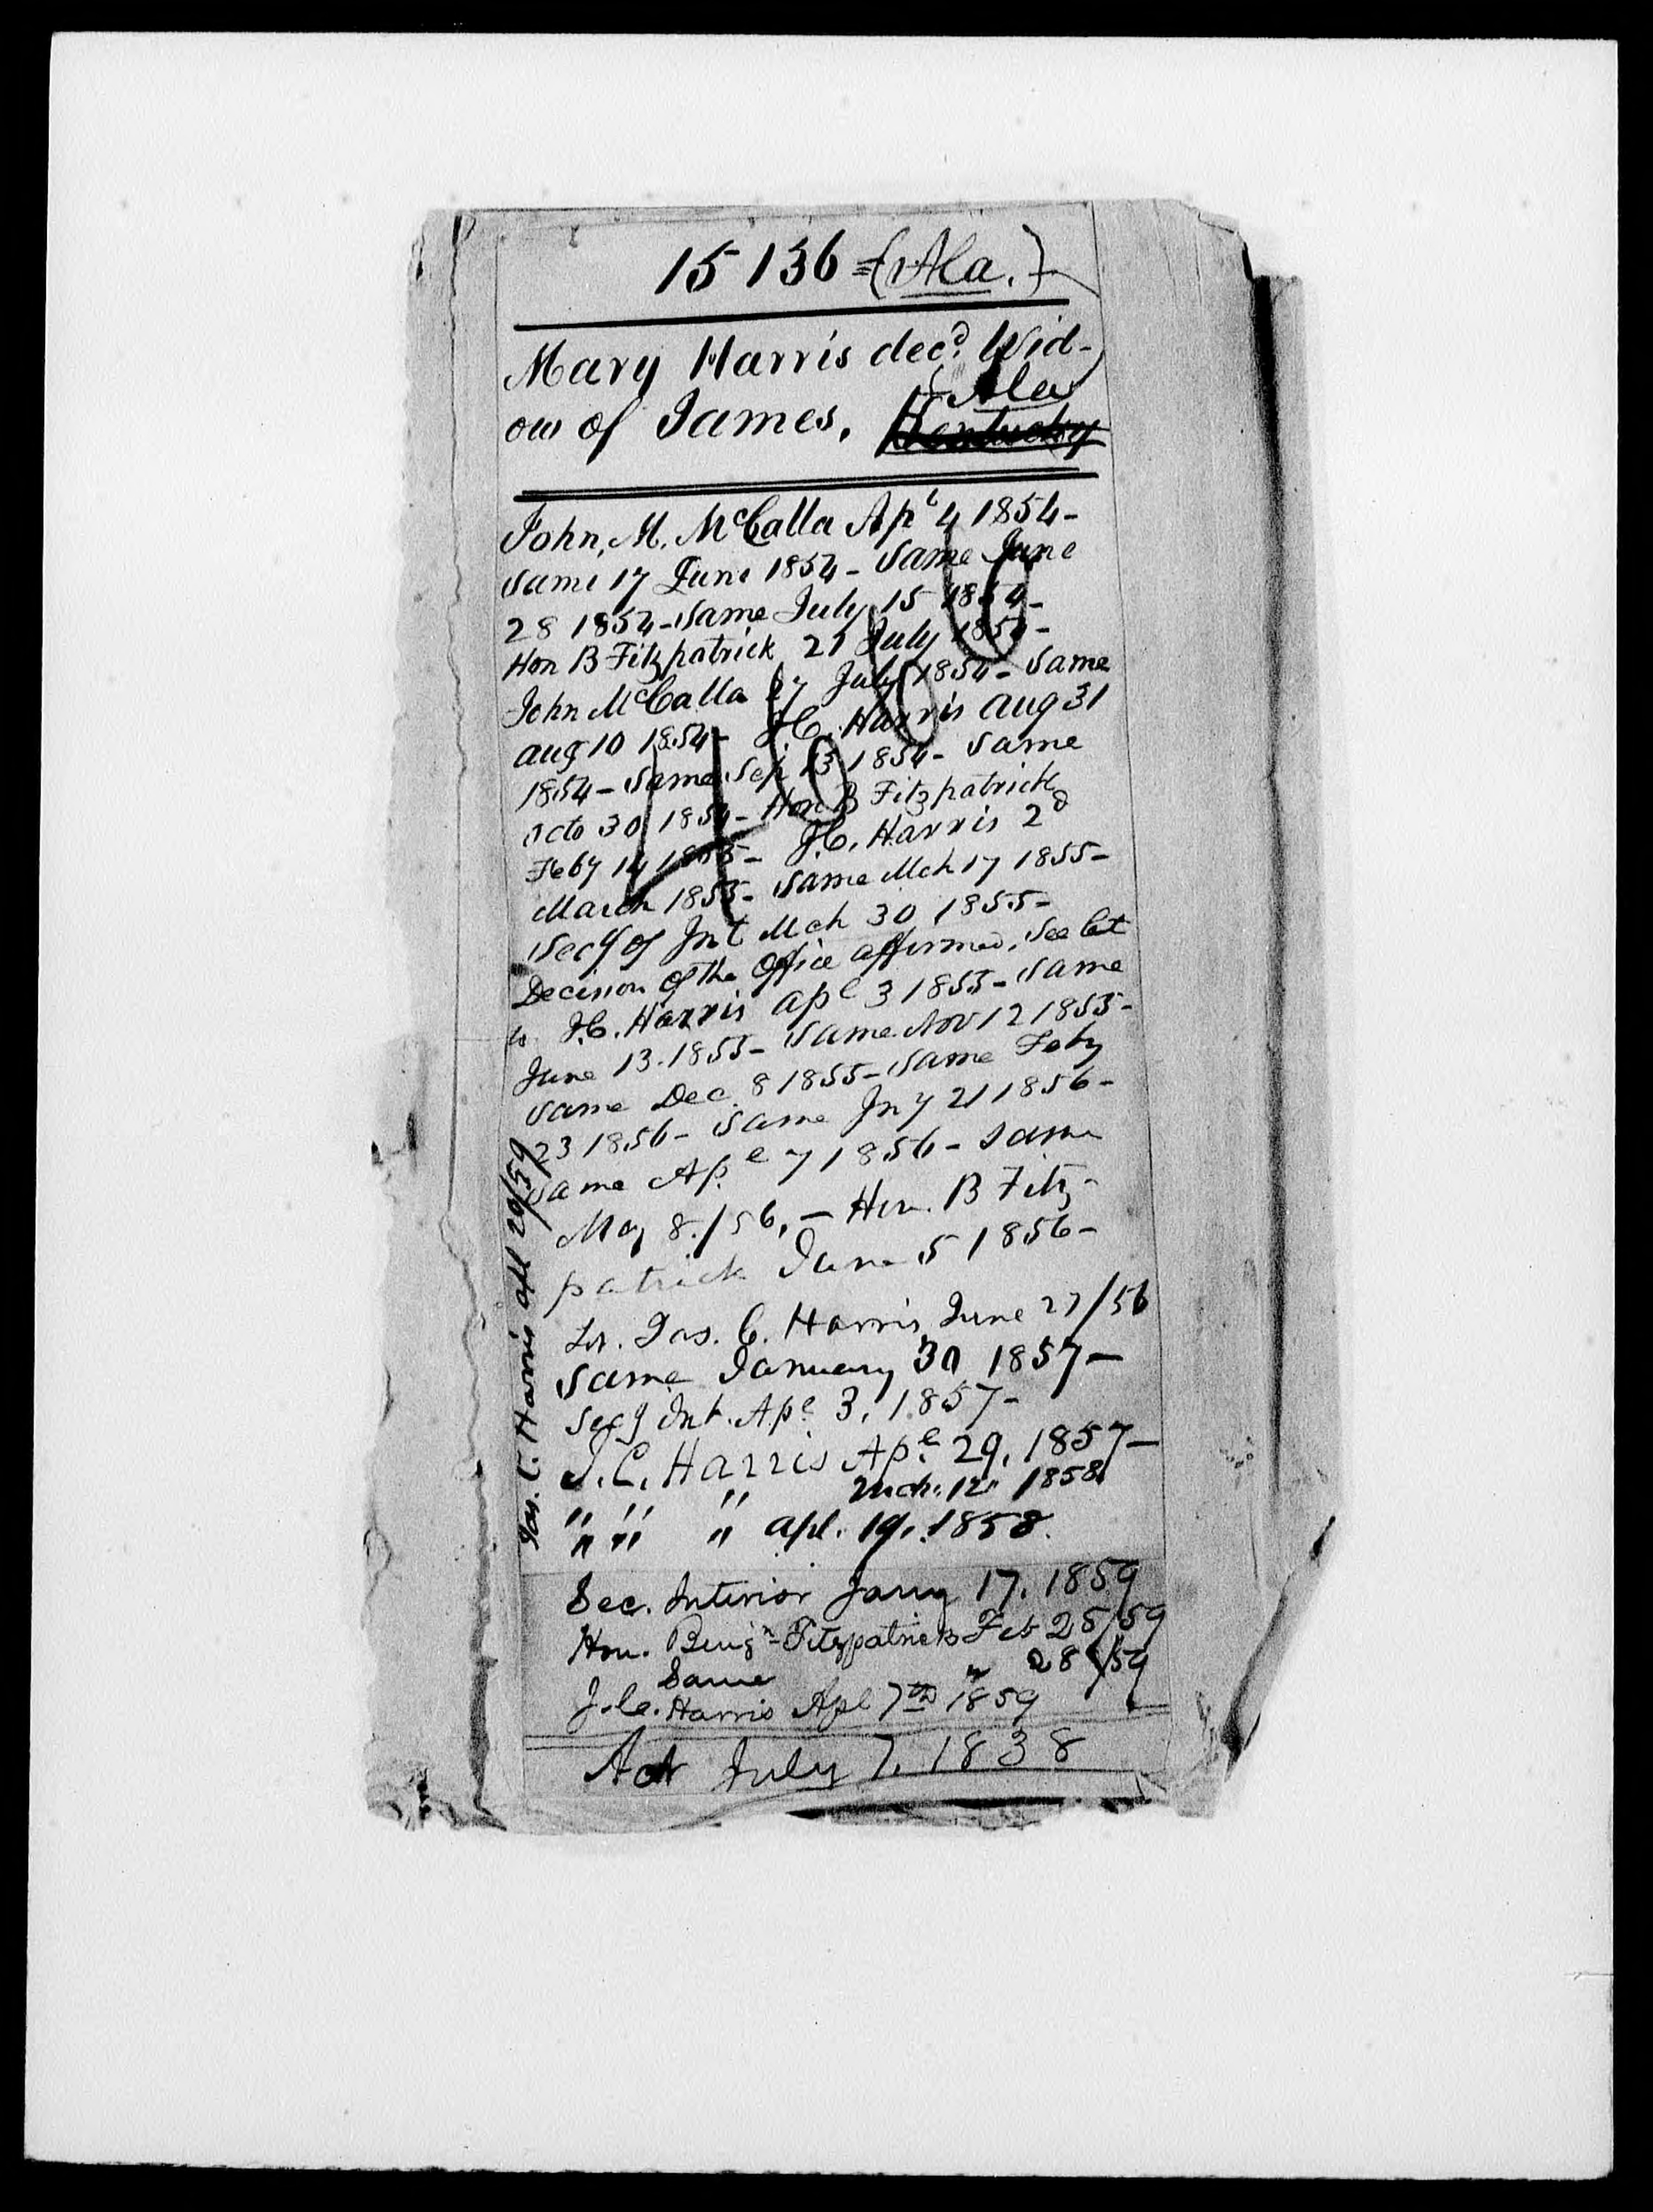[the whole is overwritten with : 4666]

15136 (Ala.)

Mary Harris decd Widow of James,  [marked out: Kentucky] Ala.

John M. McCalla Apl 4 1854-
same 17 June 1854--same June 28 1854--same July 15 1854--Hon B Fitzpatrick 27 July 1854-John McCalla 27 July 1854--same Aug 10 1854--J.C. Harris Aug 31 1854--same Sep 13 1854--same Octo 30 1854--Hon B Fitzpatrick Feby 14 1855 - J.C. Harris 2d March 1855 - same Mch 17 1855 - Secy of Int Mch 30 1855 - Decision of the Office affirmed. See let to J.C. Harris Apl 3 1855 - same June 13 1855 - same Nov 12 1855 - same Dec 8 1855 - same Feby 23 1856 - same Jny 21 1856 - same Apl 7 1856 - same May 8 / 56 - Hon B Fitzpatrick June 5 1856 - Let Jas C. Harris June 27 56  same January 30 1857 - Secy Int Apl 3, 1857 - 
J. C. Harris Apl 29, 1857 - 
"  "     "       Mch 12 1858
"  "     "       Apl 19, 1858
Sec Interior Jany 17, 1859
Hon Benjn Fitzpatrick Feb 25 / 59
same 28 / 59
J. C. Harris Apl 7th 1859

Act July 7, 1838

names: J C Harris, B Fitzpatrick, H Harris, J C Harris, John Mc Calla, H Harris, H Harris, Jas C Harris, Jas C Harris, B Fitzpatrick, Benjn Fitzpatrick, James Harris, B Fitzpatrick, John M Mc Calla, Mary Harris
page: 68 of 160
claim: rejected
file: R. 4666, James Harris, Va.